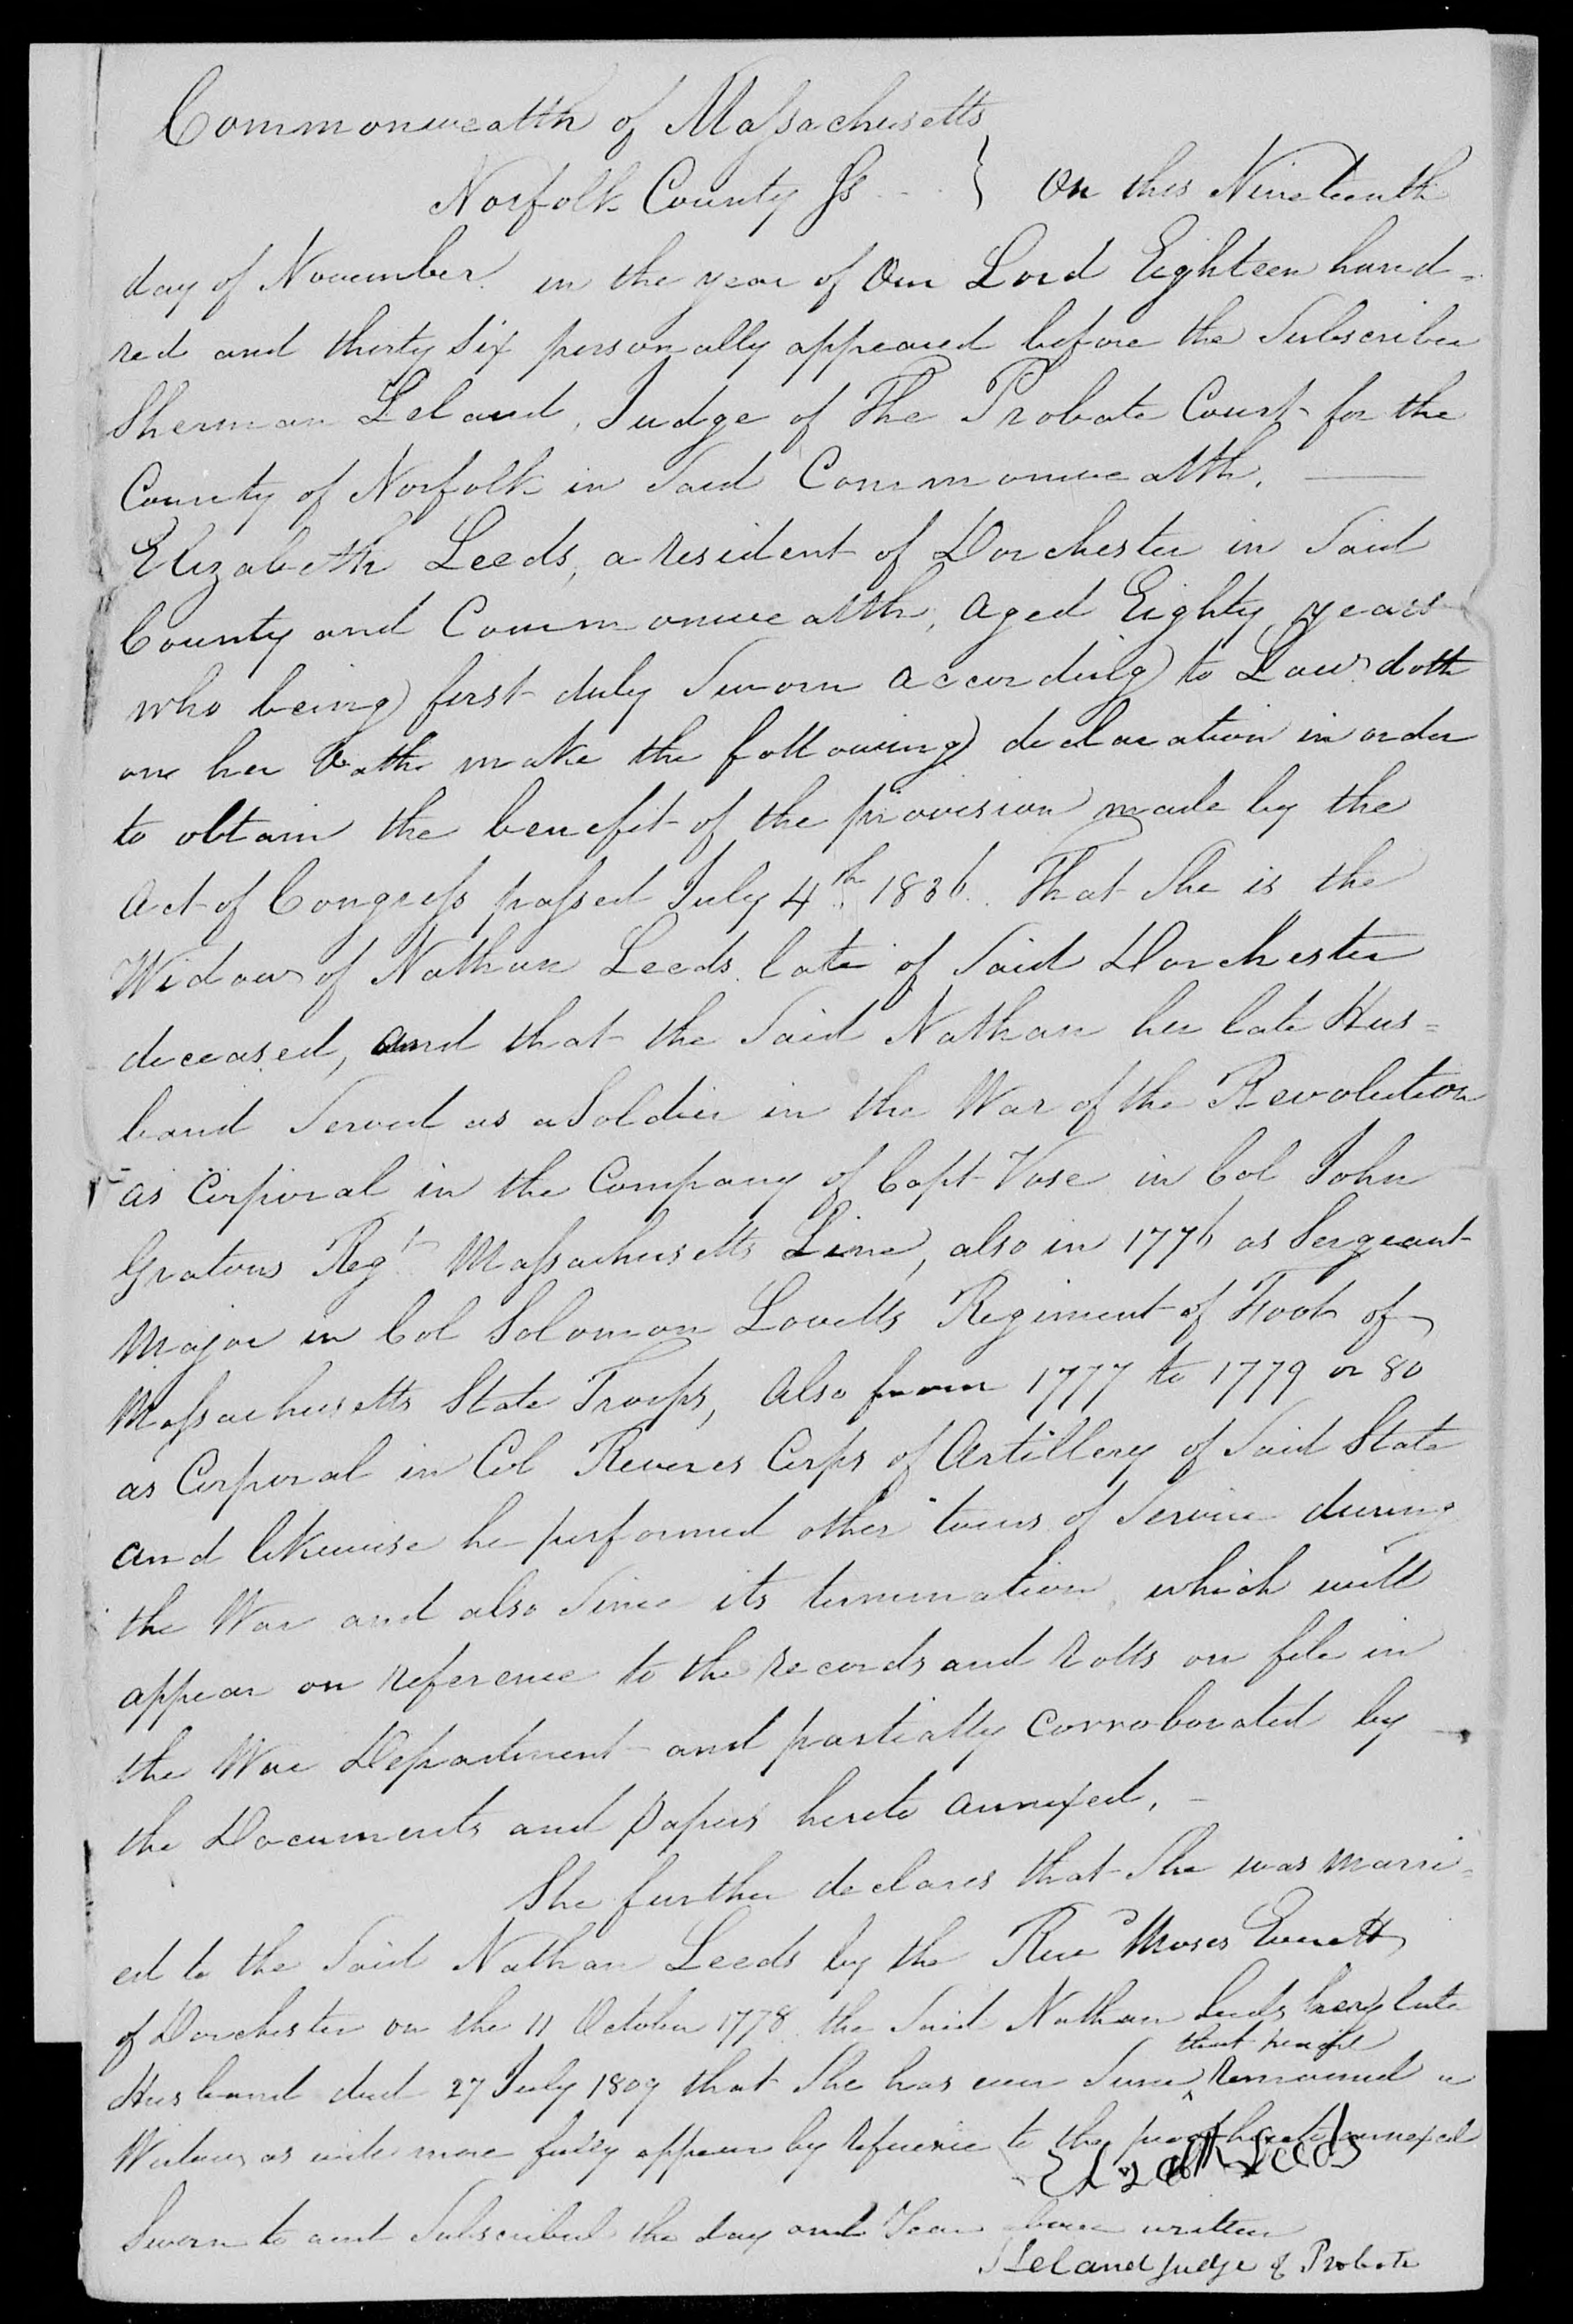Commonwealth of Massachusetts
Norfolk County SS
On this Nineteenth day of November in the year of our Lord Eighteen hundred 
and thirty six personally appeared before the Subscriber Sherman Leland, Judge of the Probate Court for the
County of Norfolk in said Commonwealth,
Elizabeth Leeds, a resident of Dorchester in said
County and Commonwealth, aged Eighty years
who being first duly sworn according to Law doth
on her oath make the following declaration in order
to obtain the benefit of the provision made by the
Act of Congress passed July 4th 1836. That she is the
Widow of Nathan Leeds late of said Dorchester
deceased, and that the said Nathan her late Husband Served as a Soldier in the War of the Revolution
as Corporal in the Company of Capt Vose in Col John
Gratons Regt Massachusetts Line, also in 1776 as Sergeant
Major in Col Solomon Lovells Regiment of Foot of
Massachusetts State Troops, Also from 1777 to 1779 or 80
as Corporal in Col Reveres Corps of Artillery of said State
and likewise he performed other terms of service during the
War and also since its termination, which will
appear on reference to the records and rolls on file in
the War Department and partially corroborated by the Documents and papers hereto annexed.
She further declares that she was married
to the said Nathan Leeds by the Rev Moses Everett
of Dorchester on the 11 October 1778. the said Nathan Leeds her late
Husband died 27 July 1809 that she has ever since that [illegible] remained a
Widow as more fully appears by reference to the pages hereto annexed.
Elizabeth Leeds
Sworn to and Subscribed the day and year above written
S Leland Judge of Probate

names: Moses Everett; [BLANK] Revere; Sherman Leland; Elizabeth Leeds; Nathan Leeds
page: 8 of 33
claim: widow's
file: W. 21,567, for Nathan Leeds, Massachusetts